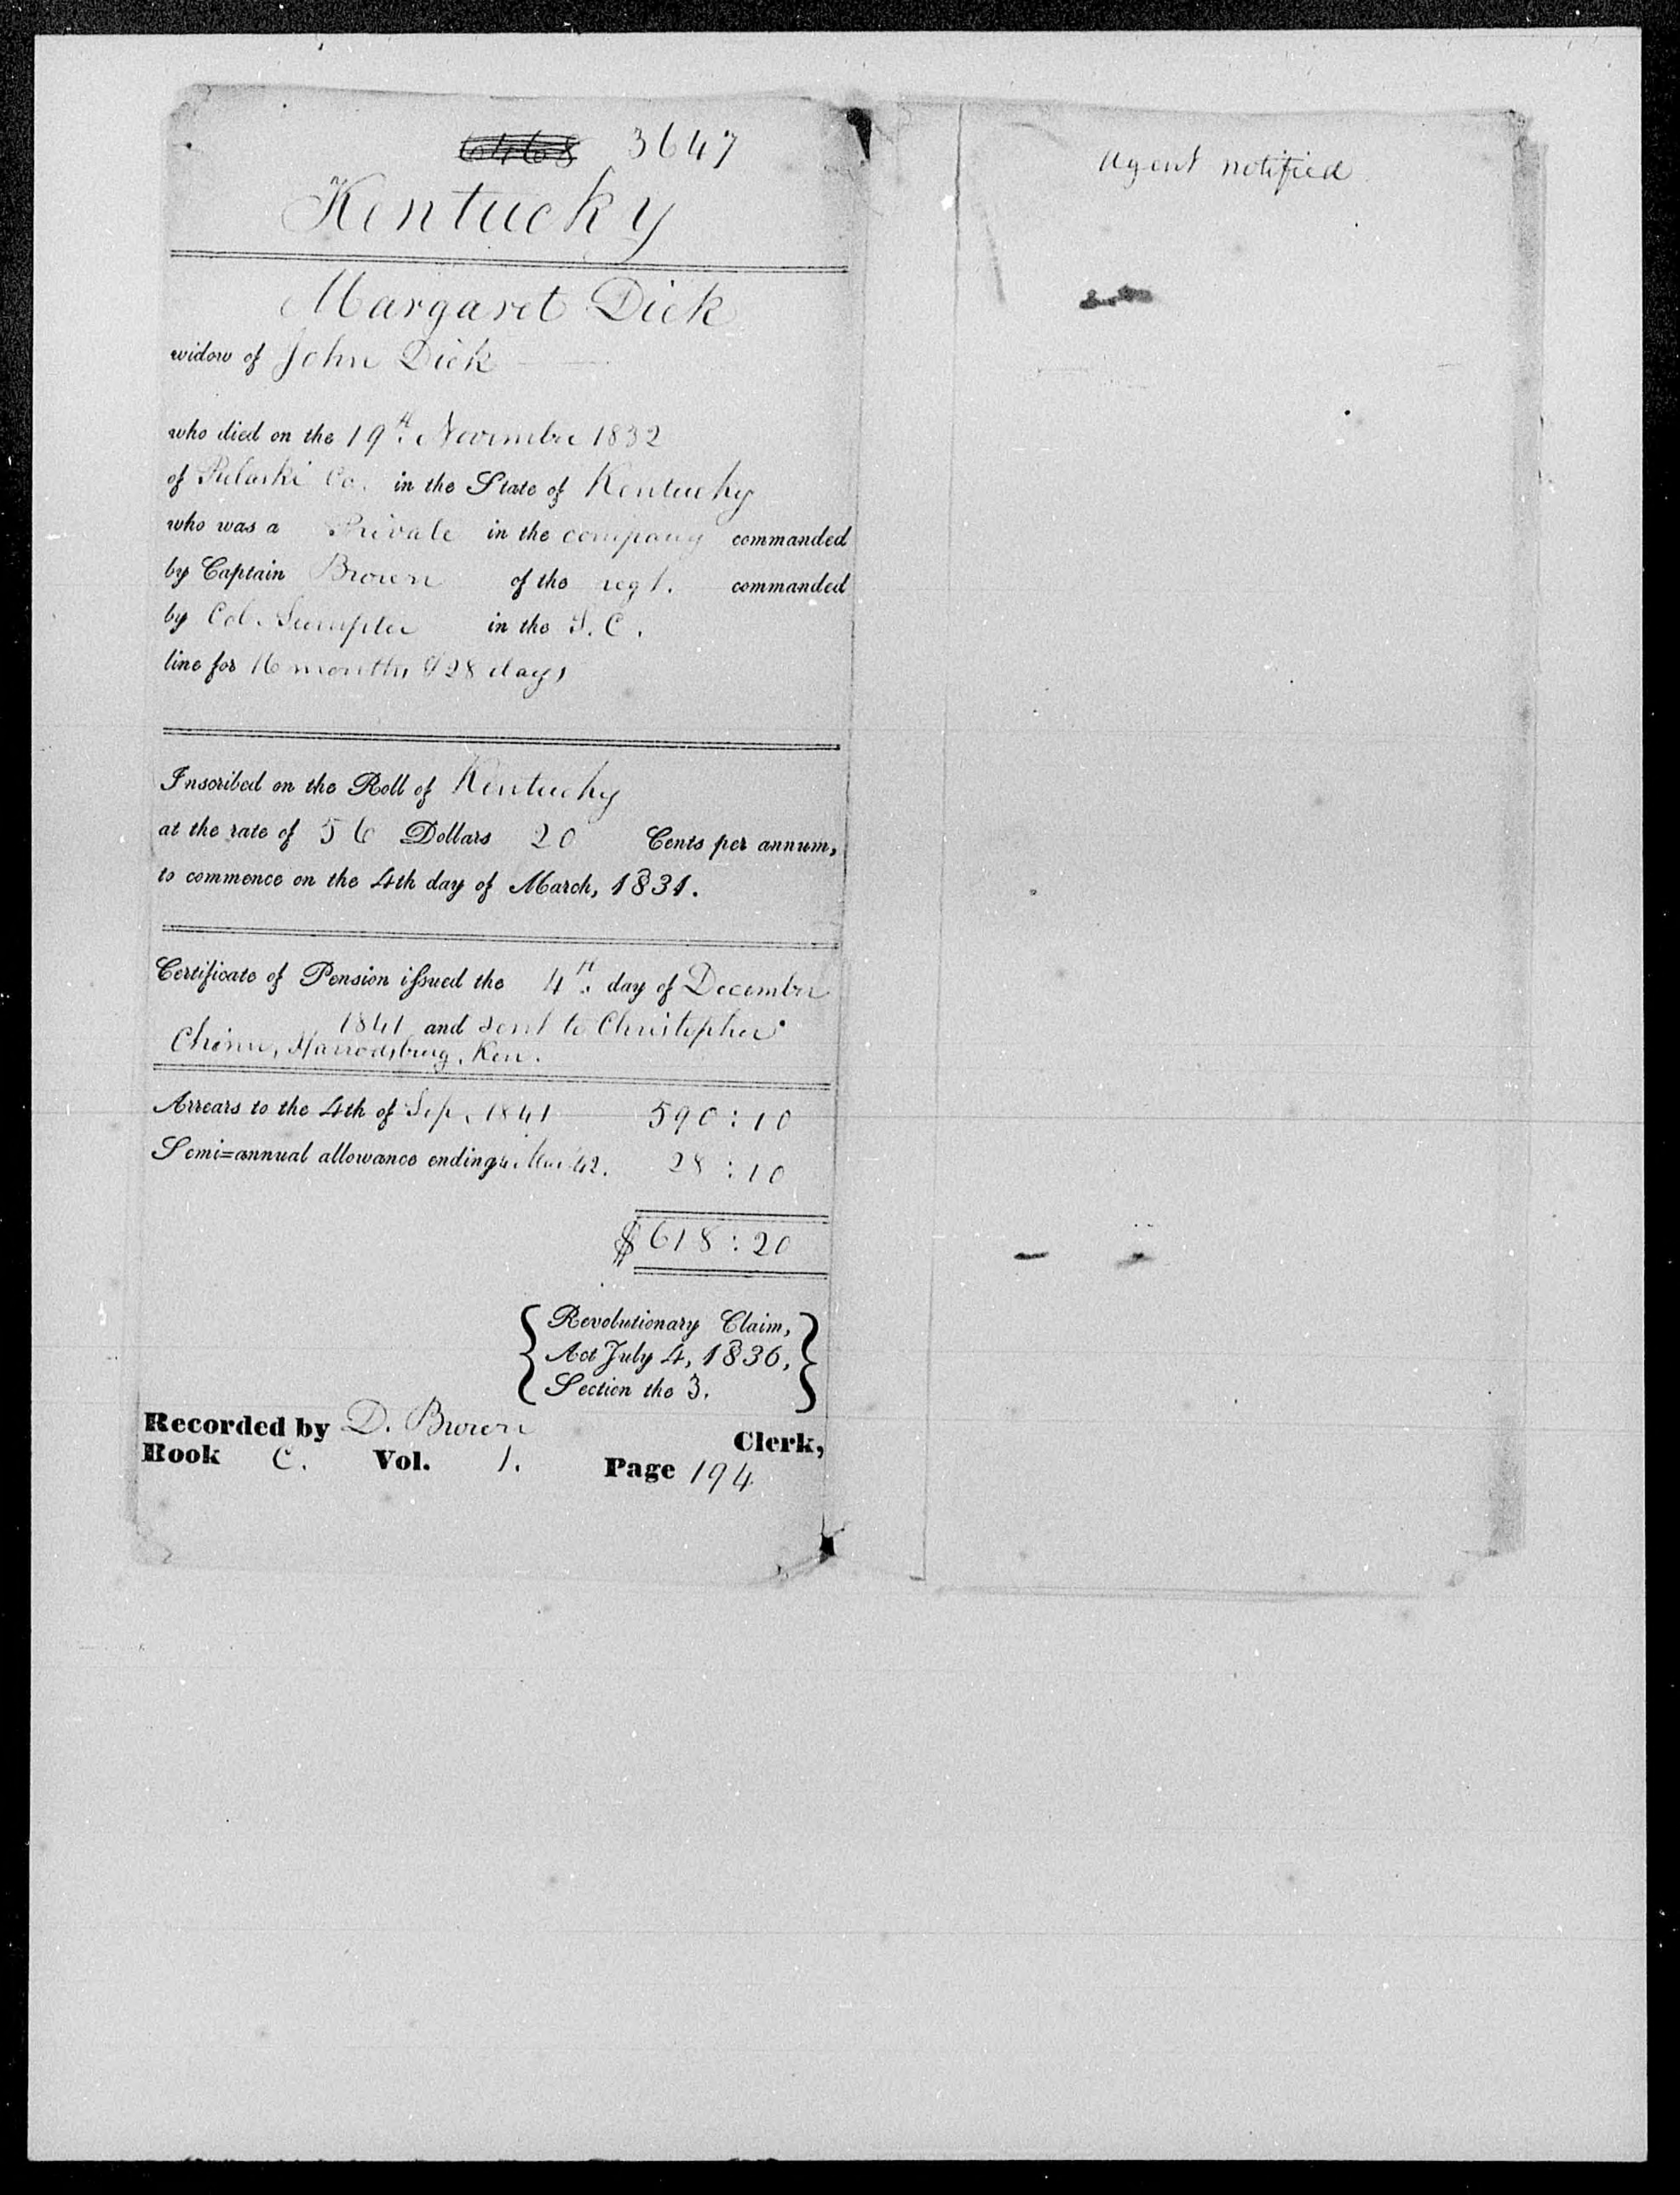3647 
Kentucky 
Margaret Dick 
widow of John Dick who died on the 19th November 1832 of Pulaski Co. in the State of Kentucky who was a Private in the company by Captain Brown of the regt. commanded by Col. Sumpter in the S.C line for 16 months & 28 days Inscribed on the Roll of Kentucky at the rate of 56 Dollars 20 Cents per annum, to commence on the 4th day of March, 1834. 
Certificate of Pension issued the 4th day of December 1841 and sent to Christopher Chinn, Harrodsburg, Ken
Arrears to the 4th of Sep, 1841 590:10 
Semi-annual allowance ending [illegible] 28.10
$618.20
 {Revoluntionary Claim Act July 4, 1836, Section the 3}
Recorded by D. Brown Clerk, Book C. Vol.  1 Page 194
Agent notified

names: John Dick, D Brown, Brown, Sumpter, Christopher Chinn, Margaret Dick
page: 2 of 31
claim: widow's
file: W. 8668, John Dick, S C